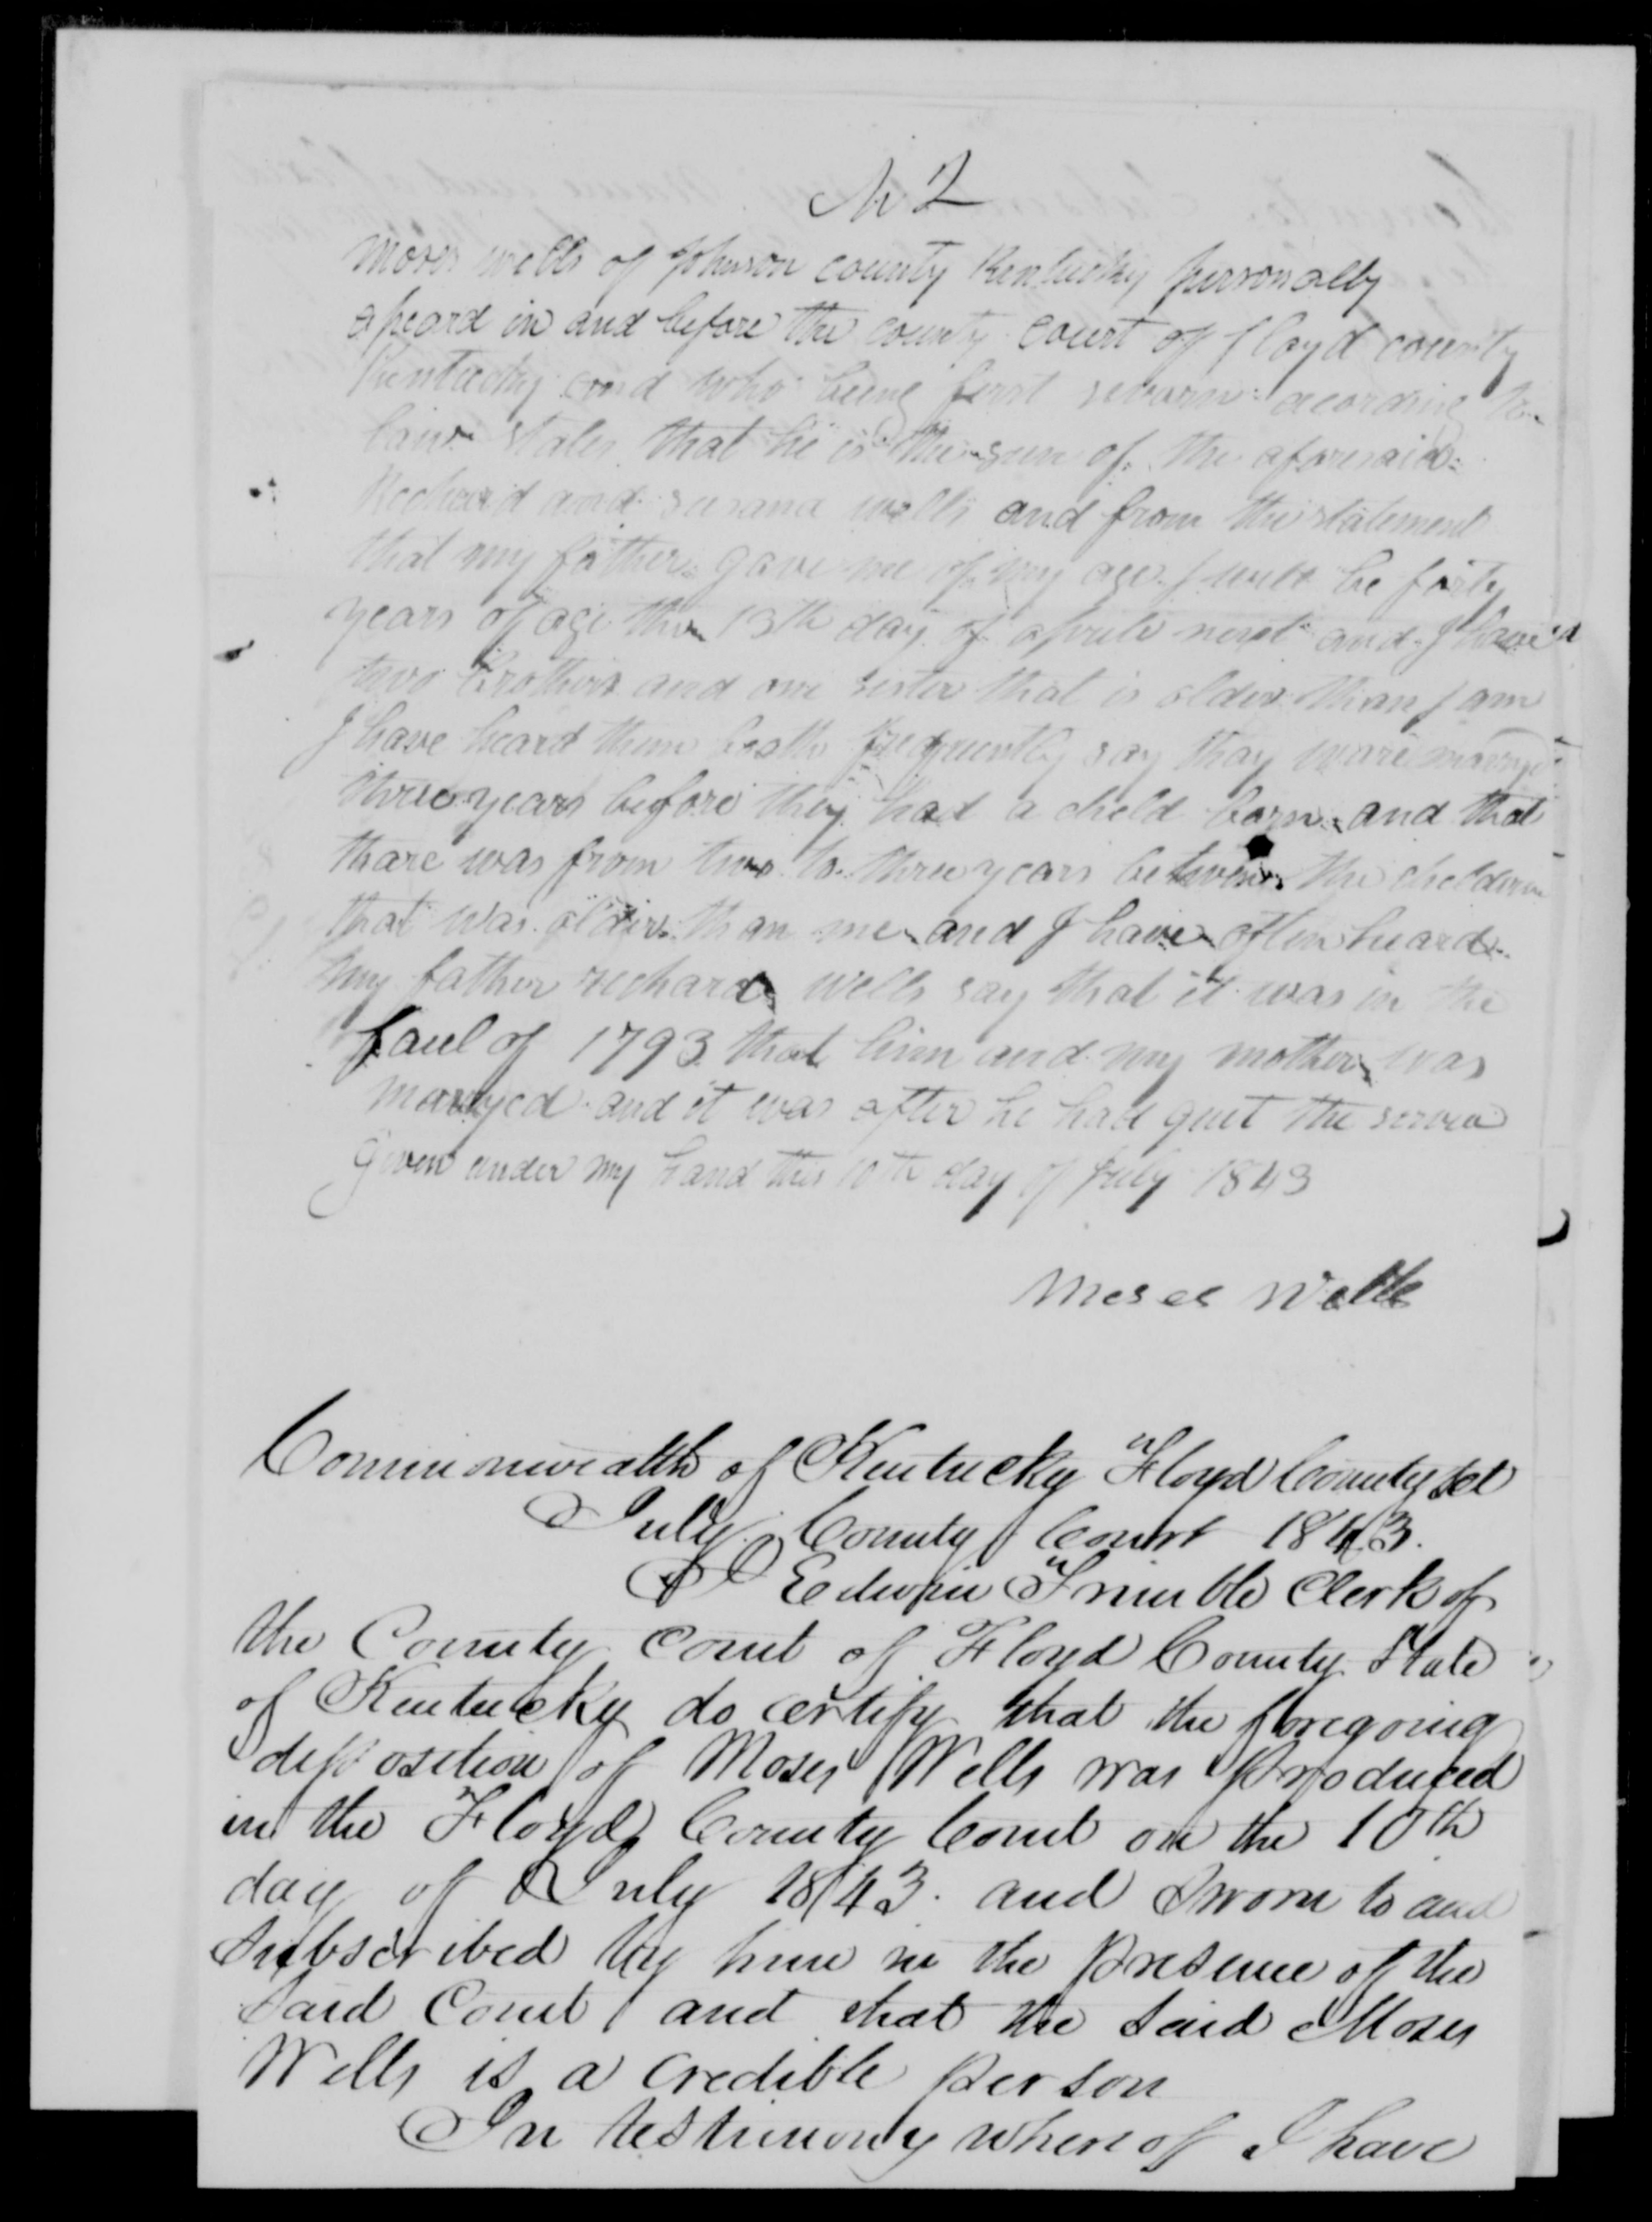N 2 Moses Wells of Johnson County  Kentucky personally appeared in and before the County Court of Floyd County Kentucky and who being first duly sworn according to law  states that he is the son of the aforesaid Richard and Susana Wells and from his statement that my father gave me of my age will be forty years of age the 13th day of April next and I have two brothers and one sister that is older than I am . I have heard them both frequently say they were married three years before they had a child born  and that there was from two to three years between the children that was older than me  and I have often heard my father Richard Wells say that it was in the fall of 1793 that him and my mother was married and it was after he had quit the service. Given under my hand this 10th day of July 1843. Moses Wells ( signed )                                       [ Commonwealth of Kentucky Floyd County ] Set  July County Court 1843  I Edwin Trimble Clerk of the County Court of Floyd County State of Kentucky do certify that the foregoing deposition of Moses Wells was produced in the  Floyd County Court on the 10th day of July 1843, and sworn to and subscribed by him in the presence of the said Court and that the said Moses Wells is a credible person. In testimony whereof  I have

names: Susana Wells, Edwin Trimble, Moses Wells, Richard Wells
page: 35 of 100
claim: widow's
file: W. 6437, Richard Wells, Ga Va.